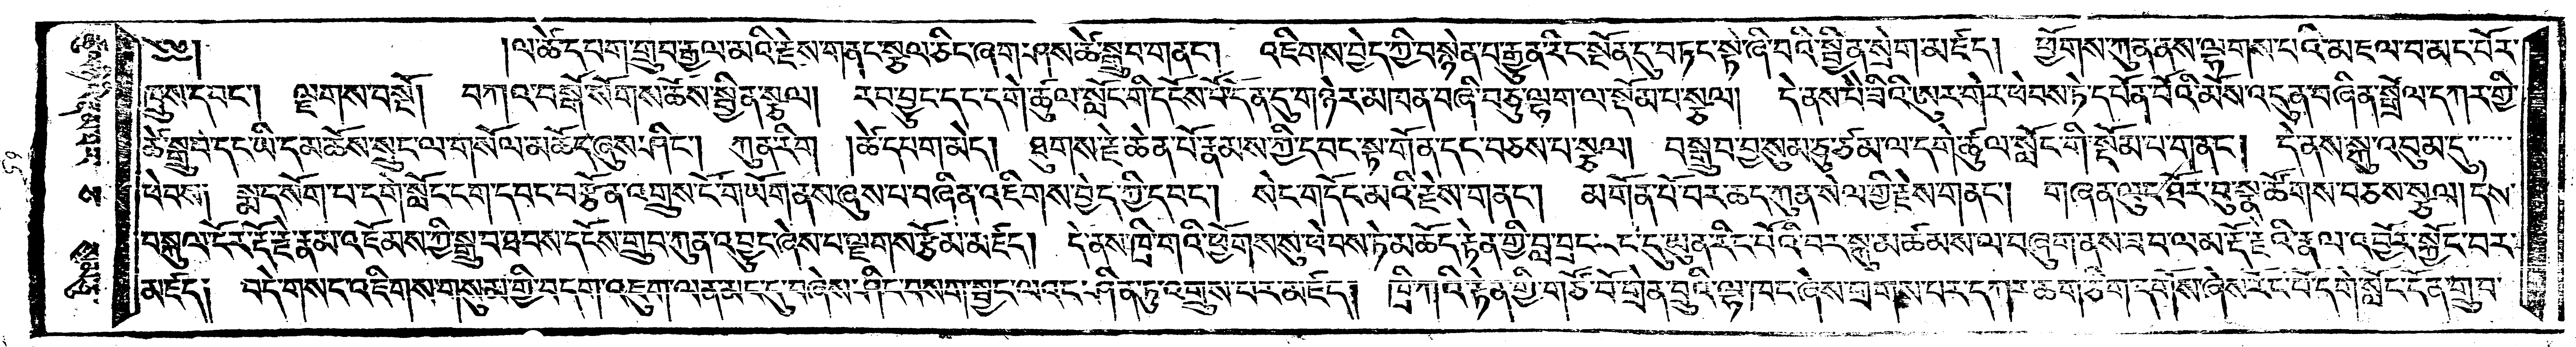༄༅། །ལ་ཚེ་དབག་གྲུབ་རྒྱལ་མའི་རྗེས་གནང་སྩལ་ཅིང་ཞག་ཤས་ཚེ་སྒྲུབ་གནང་། འཇིགས་བྱེད་ཀྱི་བསྙེན་པ་རྒྱུན་རིང་སྔོན་དུ་བཏང་སྟེ་ཞི་བའི་སྦྱིན་སྲེག་མཛད། ཕྱོགས་ཀུན་ནས་ལྷགས་པའི་མཇལ་བ་མང་པོར་
ཁྲུས་དབང་། ལྗགས་བསྔོ། བཀའ་བསྒོ་སོགས་ཆོས་སྦྱིན་སྩལ། རབ་བྱུང་དང་དགེ་ཚུལ་སློང་གི་དངོས་པོ་དོན་དུ་གཉེར་མཁན་བཞི་བཅུ་ལྷག་ལ་སྡོམ་པ་སྩལ། དེ་ནས་པཻ་ཟིའི་ཨུར་གེར་ཕེབས་ཏེ་དཔོན་པོའི་མོས་འདུན་བཞིན་སྒྲོལ་དཀར་གྱི་
ཚེ་སྒྲུབ་དང་ཡི་དམ་ཆོས་སྲུང་ལ་གསོལ་མཆོད་ཞུས་ཤིང་། ཀུན་རིག །ཚེ་དཔག་མེད། ཐུགས་རྗེ་ཆེན་པོ་རྣམས་ཀྱི་དབང་སྟ་གོན་དང་བཅས་པ་སྩལ། བསྒྲུབ་བྱ་སུམ་ཅུ་ཙམ་ལ་དགེ་ཚུལ་སློང་གི་སྡོམ་པ་གནང་། དེ་ནས་སྐུ་འབུམ་དུ་
ཕེབས༑ སྨད་སོག་པ་དགེ་སློང་ངག་དབང་བརྩོན་འགྲུས་ངོ་གཡོག་ནས་ཞུས་པ་བཞིན་འཇིགས་བྱེད་ཀྱི་དབང་། སེང་གདོང་མའི་རྗེས་གནང་། མགོན་པོ་བར་ཆད་ཀུན་སེལ་གྱི་རྗེས་གནང་། གཞན་ལུང་ཐོར་བུ་སྣ་ཚོགས་བཅས་སྩལ། དེས་
བསྐུལ་ངོར་རྡོ་རྗེ་རྣམ་འཇོམས་ཀྱི་སྒྲུབ་ཐབས་དངོས་གྲུབ་ཀུན་འབྱུང་ཞེས་པ་ལྗགས་རྩོམ་མཛད། དེ་ནས་ཁྲི་གའི་ཕྱོགས་སུ་ཕེབས་ཏེ་མཆོད་རྟེན་གྱི་བླ་བྲང་རང་དུ་ཡུན་རིང་པོའི་བར་སྐུ་མཚམས་ལ་བཞུག་ནས་ཟབ་ལམ་རྡོ་རྗེའི་རྣལ་འབྱོར་སྐྱོན?་བར་
མཛད༑ བདེ་གསང་འཇིགས་གསུམ་གྱི་བདག་འཇུག་ལན་མང་དུ་བཞེས་ཤིང་བསག་སྦྱང་ལའང་ཤིན་ཏུ་འགྲུས་པར་མཛད། ཁྲི་ཀའི་རྟེན་གྱི་གཙོ་བོ་གྲེན་བྲུའི་ལྷ་ཁང་ཞེས་གྲགས་པར་དཀར་ཆག་ཅིག་དགོས་ཞེས་རོང་པོ་དགེ་སློང་དོན་གྲུབ་